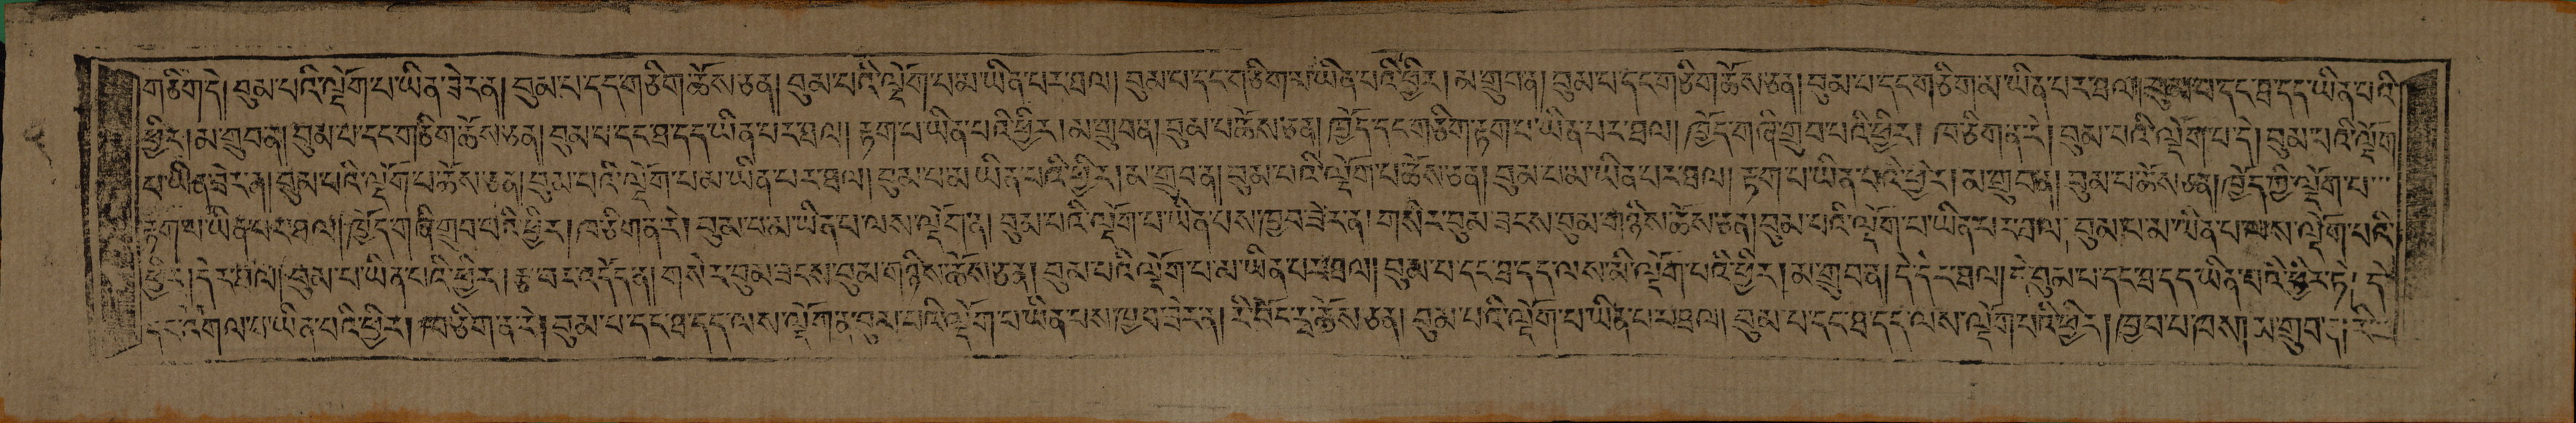གཅིག་དེ། བུམ་པའི་ལྡོག་པ་ཡིན་ཟེར་ན། བུམ་པ་དང་གཅིག་ཆོས་ཅན། བུམ་པའི་ལྡོག་པ་མ་ཡིན་པར་ཐལ། བུམ་པ་དང་གཅིག་མ་ཡིན་པའི་ཕྱིར། མ་གྲུབ་ན། བུམ་པ་དང་གཅིག་ཆོས་ཅན། བུམ་པ་དང་གཅིག་མ་ཡིན་པར་ཐལ། བུམ་པ་དང་ཐ་དད་ཡིན་པའི་
ཕྱིར། མ་གྲུབ་ན། བུམ་པ་དང་གཅིག་ཆོས་ཅན། བུམ་པ་དང་ཐ་དད་ཡིན་པར་ཐལ། རྟག་པ་ཡིན་པའི་ཕྱིར། མ་གྲུབ་ན། བུམ་པ་ཆོས་ཅན། ཁྱོད་དང་གཅིག་རྟག་པ་ཡིན་པར་ཐལ། ཁྱོད་གཞི་གྲུབ་པའི་ཕྱིར། ཁ་ཅིག་ན་རེ། བུམ་པའི་ལྡོག་པ་དེ། བུམ་པའི་ལྡོག་
པ་ཡིན་ཟེར་ན། བུམ་པའི་ལྡོག་པ་ཆོས་ཅན། བུམ་པའི་ལྡོག་པ་མ་ཡིན་པར་ཐལ། བུམ་པ་མ་ཡིན་པའི་ཕྱིར། མ་གྲུབ་ན། བུམ་པའི་ལྡོག་པ་ཆོས་ཅན། བུམ་པ་མ་ཡིན་པར་ཐལ། རྟག་པ་ཡིན་པའི་ཕྱིར། མ་གྲུབ་ན། བུམ་པ་ཆོས་ཅན། ཁྱོད་ཀྱི་ལྡོག་པ་
རྟག་པ་ཡིན་པར་ཐལ། ཁྱོད་གཞི་གྲུབ་པའི་ཕྱིར། ཁ་ཅིག་ན་རེ། བུམ་པ་མ་ཡིན་པ་ལས་ལྡོག་ན། བུམ་པའི་ལྡོག་པ་ཡིན་པས་ཁྱབ་ཟེར་ན། གསེར་བུམ་ཟངས་བུམ་གཉིས་ཆོས་ཅན། བུམ་པའི་ལྡོག་པ་ཡིན་པར་ཐལ། བུམ་པ་མ་ཡིན་པ་ལས་ལྡོག་པའི་
ཕྱིར། དེར་ཐལ། བུམ་པ་ཡིན་པའི་ཕྱིར། རྩ་བར་འདོད་ན། གསེར་བུམ་ཟངས་བུམ་གཉིས་ཆོས་ཅན། བུམ་པའི་ལྡོག་པ་མ་ཡིན་པར་ཐལ། བུམ་པ་དང་ཐ་དད་ལས་མི་ལྡོག་པའི་ཕྱིར། མ་གྲུབ་ན། དེ་དེར་ཐལ། དེ་བུམ་པ་དང་ཐ་དད་ཡིན་པའི་ཕྱིར་ཏེ། དེ་
དང་འགལ་བ་ཡིན་པའི་ཕྱིར། ཁ་ཅིག་ན་རེ། བུམ་པ་དང་ཐ་དད་ལས་ལྡོག་ན་བུམ་པའི་ལྡོག་པ་ཡིན་པས་ཁྱབ་ཟེར་ན། རི་བོང་རྭ་ཆོས་ཅན། བུམ་པའི་ལྡོག་པ་ཡིན་པར་ཐལ། བུམ་པ་དང་ཐ་དད་ལས་ལྡོག་པའི་ཕྱིར། ཁྱབ་པ་ཁས། མ་གྲུབ་ན། རི་